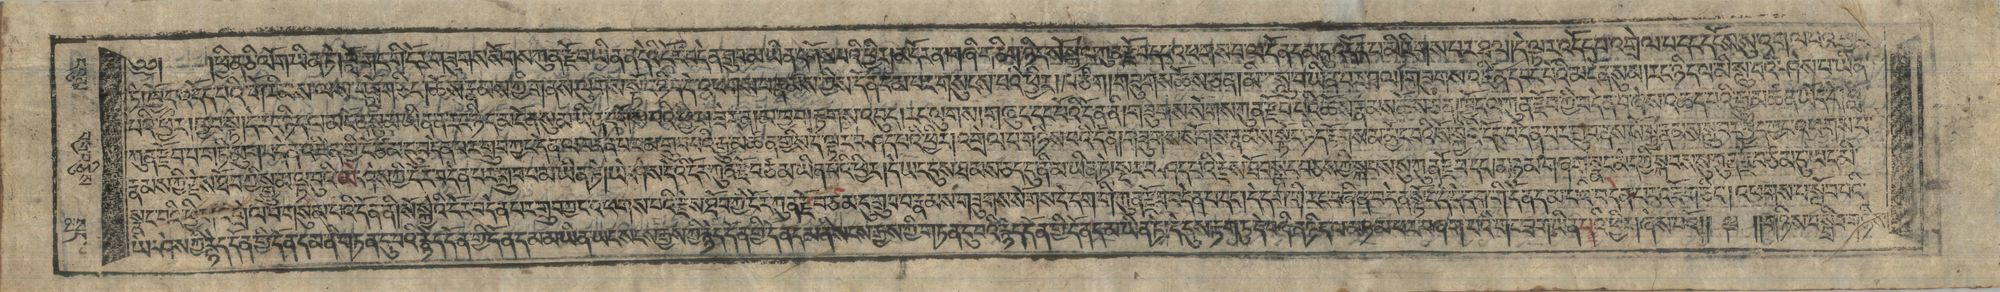༄༅། །ཕྱིན་ཅི་ལོག་ཡིན་ཏེ། བློ་གང་གི་ངོར་གཟུགས་སོགས་ཀུན་རྫོབ་ཡིན་ན་དེའི་ངོར་བདེན་གྲུབ་མ་ཡིན་དགོས་པའི་ཕྱིར། མདོར་ན། གཞི་གཅིག་ཉིད་སོ་སྐྱེ་ལ་ཀུན་རྫོབ་དང་འཕགས་པ་ལ་དོན་དམ་དུ་འདོད་པ་མི་རིགས་པར་ཐལ། དེ་ལྟར་འདོད་པ་འགྲེལ་བ་དང་དངོས་སུ་འགལ་བའི་ཕྱིར་
ཏེ། ཁྱོད་འདོད་པའི་གོ་རིམས་ལས་བཟློག་ཅིང་། ཆོས་རྣམས་ཀྱི་གནས་ལུགས་སྟོང་ཉིད་དེ་འཕགས་པ་རྣམས་ཀྱིས་དོན་དམ་པར་གསུངས་པའི་ཕྱིར། ཁ་ཅིག །གཟུགས་ཆོས་ཅན། མི་སླུ་བ་ཡིན་པར་ཐལ། གཟུགས་འཛིན་དབང་པོའི་མངོན་སུམ། རང་ཉིད་ལ་མི་སླུ་བའི་ཤེས་པ་ཡིན་
པའི་ཕྱིར། ཁྱབ་སྟེ། དེ་རང་ཉིད་ལ་མངོན་སུམ་ཡིན་ན་རང་ཉིད་མངོན་སུམ་ཡིན་དགོས་པའི་ཕྱིར། ཟེར་ན། མ་ཁྱབ། རྟགས་འབུད་རང་ལུགས། གཞུང་དང་པོའི་དོན་ནི། གཟུགས་སོགས་ཀུན་རྫོབ་པའི་ཆོས་རྣམས་ཆོས་ཅན། ཁྱོད་ལ་ཀུན་རྫོབ་ཀྱི་བདེན་པ་ཞེས་འཆད་པའི་རྒྱུ་མཚན་ཡོད་དེ། བློ་
ཀུན་རྫོབ་པ་གཏི་མུག་བདེན་འཛིན་གྱི་ངོ་ཙམ་དུ་བདེན་པར་གྲུབ་ཀྱང་དོན་ལ་བདེན་པར་མ་གྲུབ་པའི་རྒྱུ་མཚན་གྱིས་དེ་ལྟར་བཤད་པའི་ཕྱིར། འགྲེལ་པ་གཉིས་པའི་དོན། གཟུགས་སོགས་རྣམས་སྟོང་ཉིད་རྟོགས་མ་མྱོང་བའི་སོ་སྐྱེའི་ངོར་བདེན་པར་གྲུབ་ནས་སོ་སྐྱེ་རྣམས་སླུ་བར་བྱེད་ཀྱང་འཕགས་པ་
རྣམས་ཀྱི་རྗེས་ཐོབ་ཀྱི་སྒྱུ་མ་ལྟ་བུའི་ཡེ་ཤེས་ཀྱི་ངོར་བདེན་པར་གྲུབ་པ་མ་ཡིན་ཏེ། ཡེ་ཤེས་དེའི་ངོར་ཀུན་རྫོབ་ཙམ་ཡིན་པའི་ཕྱིར། དེ་ཡང་དུས་ཐམས་ཅད་དུ་ནི་མ་ཡིན་ཏེ། སྔར་བཤད་པའི་རྗེས་ཐོབ་སྣང་བཅས་ཀྱི་སྐབས་སུ་ཀུན་རྫོབ་དང་། མཉམ་གཞག་སྣང་མེད་ཀྱི་སྐབས་སུ་ཀུན་རྫོབ་ཙམ་དུ་ཡང་མི་
སྣང་བའི་ཕྱིར། འགྲེལ་བ་གསུམ་པའི་དོན་ནི། སོ་སྐྱེའི་ངོར་བདེན་པར་གྲུབ་ཀྱང་འཕགས་པའི་རྗེས་ཐོབ་ཀྱི་ངོར་ཀུན་རྫོབ་ཙམ་དུ་གྲུབ་བ་རྣམས་གཟུགས་སོགས་དེ་དག་གི་ཀུན་རྫོབ་བདེན་པ་དང་། དེ་དག་གི་རང་བཞིན་བདེན་སྟོང་དེ་དེ་དག་གི་དོན་དམ་པའི་བདེན་པར་འཇོག་ཅིང་། འཕགས་པ་སློབ་པའི་
ཡེ་ཤེས་ཀྱི་རྙེད་དོན་གྱི་དོན་དམ་ནི་གཏན་དུ་བའི་རྙེད་དོན་གྱི་དོན་དམ་མ་ཡིན་ཡང་སངས་རྒྱས་ཀྱི་རྙེད་དོན་གྱི་དོན་དམ་ནི་སངས་རྒྱས་ཀྱི་གཏན་དུ་བའི་རྙེད་དོན་གྱི་དོན་དམ་ཡིན་ཏེ། དེ་དུས་རྟག་ཏུ་དེ་བཞིན་ཉིད་ལ་མཉམ་པར་བཞག་པའི་གང་ཟག་ཡིན་པའི་ཕྱིར། ཞེས་པའོ།། ༈ །།གཉིས་བསྒྲིབགྙིས་